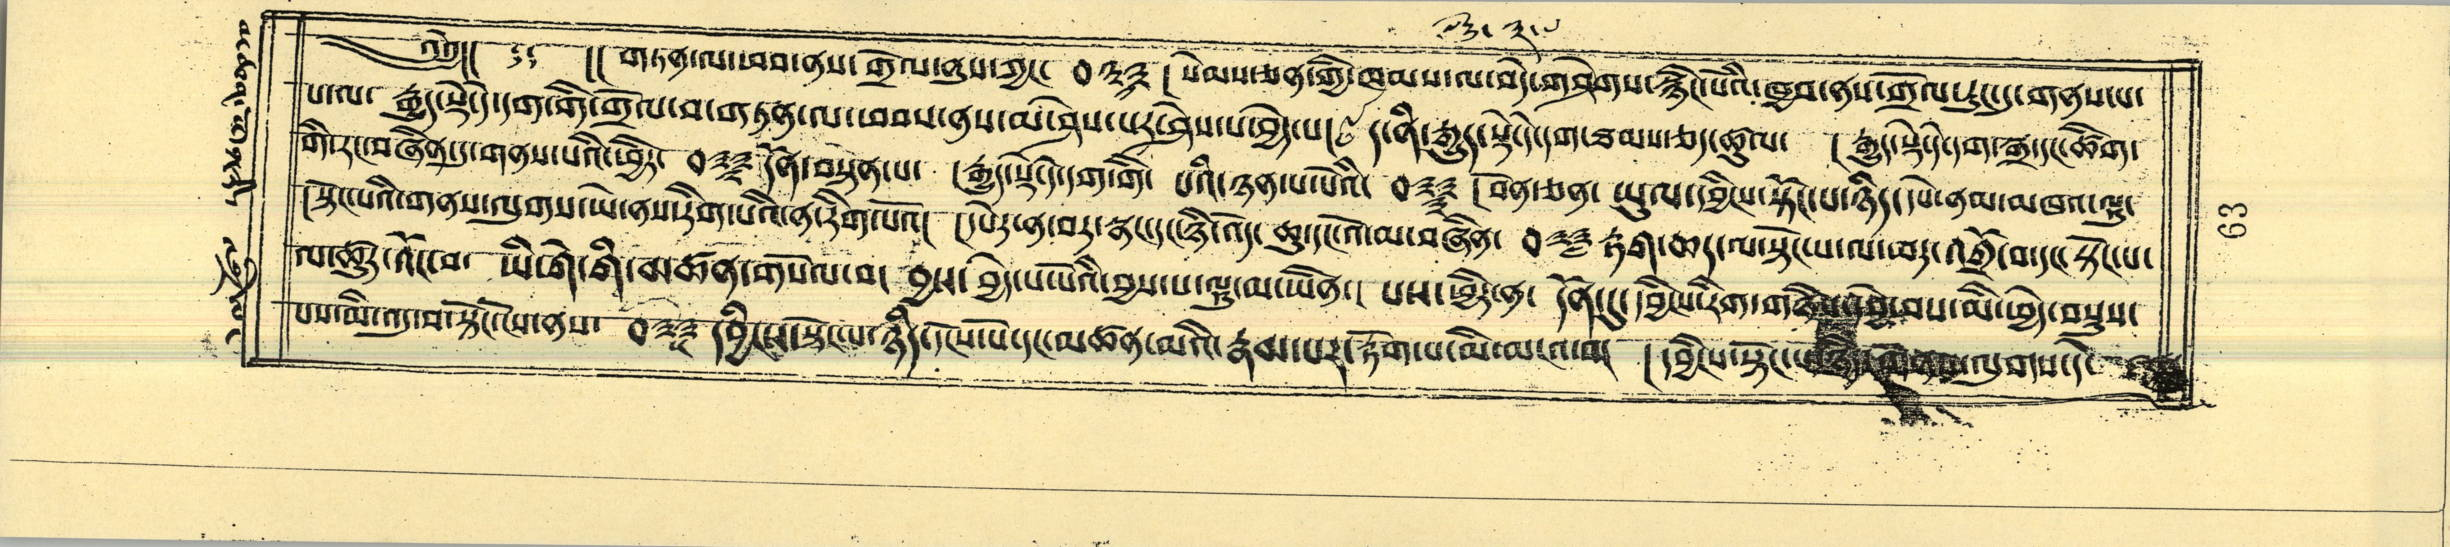གཏན་ལ་ཕབ་ནས་གྲོལ་ནུས་ཀྱང་བ༣༣།༡ སེམས་ཅན་གྱི་ཁམས་ལ་བདེར་གཤེགས་སྙིང་པོའི་ཁྱབ་ནས་གྲོལ་རུང་དུ་གནས་པ་
ལ། རྒྱུད་སྡེ་དེ་དག་གི་གྲོལ་བ་གཏན་ལ་ཕབས་ནས་མ་ཤེས་པ་ཤེས་པ་བྱེད་པ། བོན་སྐུ་གསུམ་པ་ ༼ད་ནི་རྒྱུད་སྡེ༽དེ་དག་ཐམས་ཅད་ཚུལ། རྒྱུད་སྡེ་དེ་དག་སྒྲ་དང་ཚིག་
གི་རང་བཞིན་དུ་གནས་པའི་ཕྱིར། བ༣༣།༢༼དོན༽བསྟན་པ། རྒྱུད་སྡེ་དེ་དག་གི་༼པའི༽ཉན་པ་པོའི་བ༣༣།༣ བོན་ཅན་༼ཡུལ༽དབྱིངས་༼སྟོང་པ་ཉིད༽དཔེ་ནམ་མཁའ་ལྟ་བུ་
སྟོང་པའི་གནས་ལུགས་ཡེ་ནས་རིག་པའི་ན་རིག་པའོ། དཔེར་ན་བར་སྣང་དང་ཉི་འོད་ཆུ་དང་འོ་མ་བཞིན་བ༣༣།༤༼རྟག་ཆད༽ལ་སྟོང་པ་ཕར་༼འགྲོ༽བ་དང་སྟོང་པ་
ལ་ཚུར་༼འོང་༽བ་༼ཡི་གེ་གི་མཚན༽གསོལ་བ་༼བྱས༽བྱེད་པོའི་བྱས་པ་ལྟ་བུ་མ་ཡིན་༼པས༽ཕྱིར་ན་ ༼དོན་དུ༽དབྱིངས་རིག་གཉིས་དབྱེ་བས་མི་ཕྱེད་བསྡུས་
པས་མི་འདུ་བ་སྟོང་ངོས་ནས་བ༣༣།༥༼དབྱིངས༽སྟོང་པ་༼ཉིད༽དངོས་པོ་དང་མཚན་མའི་༼རྣམ་པར་༽རྟོག་པ་མི་མངའ་བ། དབྱིངས་སྟོང་པ་ཉིད་གནས་ལུགས་དེ་རང་